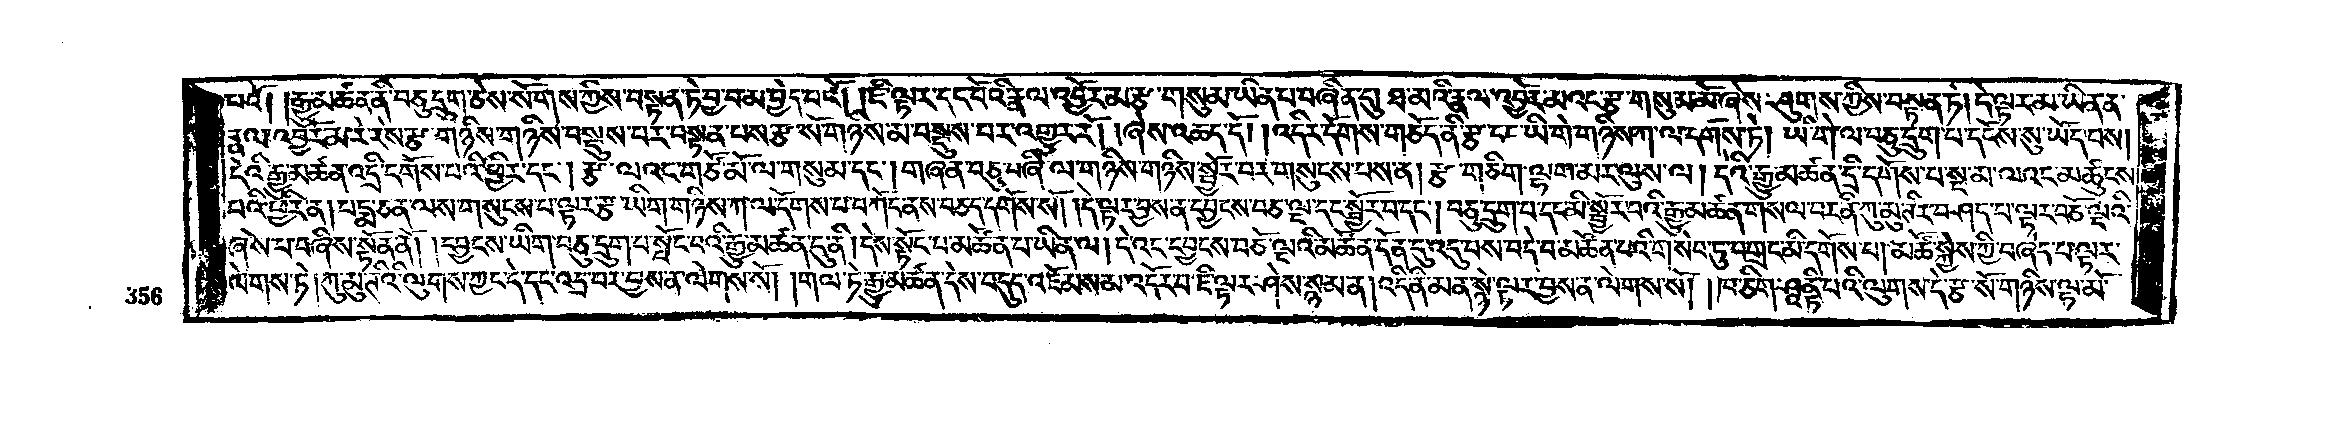པའོ། །རྒྱུ་མཚན་ནི་བཅུ་དྲུག་ཅེས་སོགས་ཀྱིས་བསྟན་ཏེ་བྱ་བ་མ་བྱེད་པའོ། །ཇི་ལྟར་དང་པོའི་རྣལ་འབྱོར་མ་རྩ་གསུམ་ཡིན་པ་བཞིན་དུ། ཐ་མའི་རྣལ་འབྱོར་མའང་རྩ་གསུམ་མོ་ཞེས་ཤུགས་ཀྱིས་བསྟན་ཏེ། དེ་ལྟར་མ་ཡིན་ན་
རྣལ་འབྱོར་མ་རེ་རེས་རྩ་གཉིས་གཉིས་བསྡུས་པར་བསྟན་པས་རྩ་སོ་གཉིས་མ་བསྡུས་པར་འགྱུར་རོ། །ཞེས་འཆད་དོ། །འདིར་དོགས་གཅོད་ནི་རྩ་དང་ཡི་གེ་གཉིས་ཀ་ལ་དགོས་ཏེ། ཡི་གེ་ལ་བཅུ་དྲུག་པ་དངོས་སུ་ཡོད་པས།
དེའི་རྒྱུ་མཚན་འདྲི་དགོས་པའི་ཕྱིར་དང་། རྩ་ལའང་གཙོ་མོ་ལ་གསུམ་དང་། གཞན་བཅུ་བཞི་ལ་གཉིས་གཉིས་སྦྱོར་བར་གསུངས་པས་ན། རྩ་གཅིག་ལྷག་མར་ལུས་ལ། དེའི་རྒྱུ་མཚན་དྲི་དགོས་པ་སྔ་མ་ལའང་མཚུངས་
པའི་ཕྱིར་ན། པདམ་ཅན་ལས་གསུངས་པ་ལྟར་རྩ་ཡིག་གཉིས་ཀ་ལ་དོགས་པ་བཀོད་ནས་བཅད་དགོས་སོ། །དེ་ལྟར་བྱས་ན་དབྱངས་བཅོ་ལྔ་དང་སྦྱོར་བ་དང་། བཅུ་དྲུག་པ་དང་མི་སྦྱོར་བའི་རྒྱུ་མཚན་གསལ་བར་ནི་ཀུ་མུ་ཊིར་བཤད་པ་ལྟར་བཅོ་ལྔའི་
ཞེས་པ་བཞིས་སྟོན་ནོ། །དབྱངས་ཡིག་བཅུ་དྲུག་པ་སྤོང་བའི་རྒྱུ་མཚན་དུ་ནི། དེས་སྟོང་པ་མཚོན་པ་ཡིན་ལ། དེ་འང་དབྱངས་བཅོ་ལྔའི་མཚོན་དོན་དུ་འདུ་བས་བདེ་བ་མཚོན་པའི་གསེབ་ཏུ་བགྲང་མི་དགོས་པ། མཚོ་སྐྱེས་ཀྱི་བཞེད་པ་ལྟར་
ལེགས་ཏེ། ཀུ་མུ་ཊིའི་ལུགས་ཀྱང་དེ་དང་འདྲ་བར་བྱས་ན་ལེགས་སོ། །གལ་ཏེ་རྒྱུ་མཚན་དེས་བདུད་འཇོམས་མ་འདོར་བ་ཇི་ལྟར་ཤེས་སྙམ་ན། འདི་ནི་མན་སྙེ་ལྟར་བྱས་ན་ལེགས་སོ། །ཁ་ཅིག་ཤཱནྟི་པའི་ལུགས་དེ་རྩ་སོ་གཉིས་ལྷ་མོ་